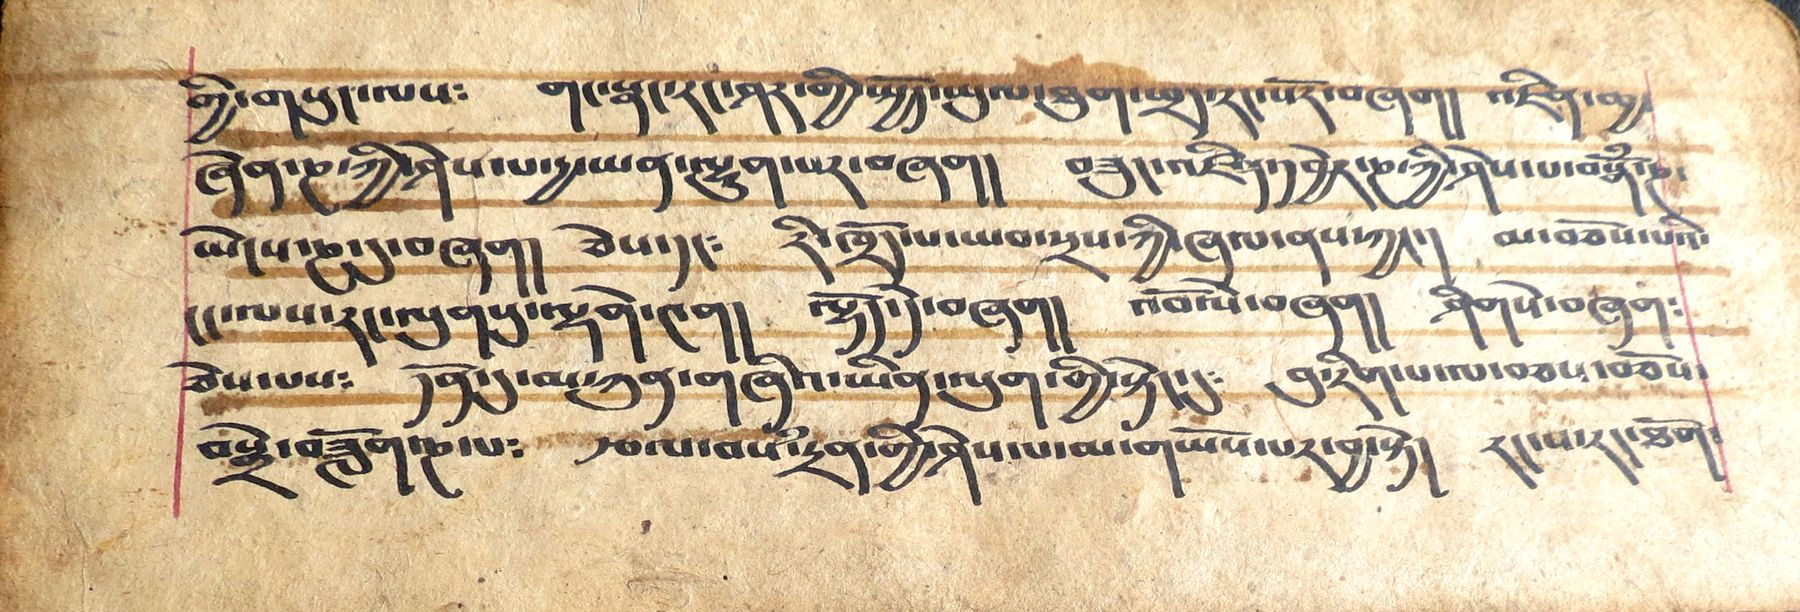གྱི་གསུང་ལས། གང་སྣང་རང་ཤར་གྱི་སྤྱོད་ཡུལ། ཐུག་ཕྲད་རང་སོར་བཞག འཛིན་ཆགས་
ཞེན་མེད་ཀྱི་ཤེས་པ་རྒྱ་ཡན་ལྷུག་པར་བཞག གཟུང་འཛིན་དབྱེར་མེད་ཀྱི་ཤེས་པ་སྒོམ་མེད་
ཡེངས་མེད་དུ་བཞག ཅེས་དང་། རི་ཁྲོད་པ་ཡབ་སྲས་ཀྱི་ཞལ་ནས་ཀྱང་། མ་བཅོས་པའི་
ངང་ལ་རང་ལུགས་སུ་ལྷག་གེ་བཞག ལྷོད་དེ་བཞག འབོལ་ལེ་བཞག ཤིགས་སེ་བཞག་
ཅེས་དང་། དོན་དུ་མ་ཀུན་གཞི་ཡིན་ལུགས་ཀྱི་སྟེང་དུ་བུ་རིག་པ་ལ་བཅའ་བཅོས་
བསྒྲོ་ཟློག་མེད་པའི། རྩལ་བསམ་དྲན་གྱི་ཤེས་པ་མ་གཡོས་པར་བྱ་སྟེ། རང་ས་རང་ཐོག་